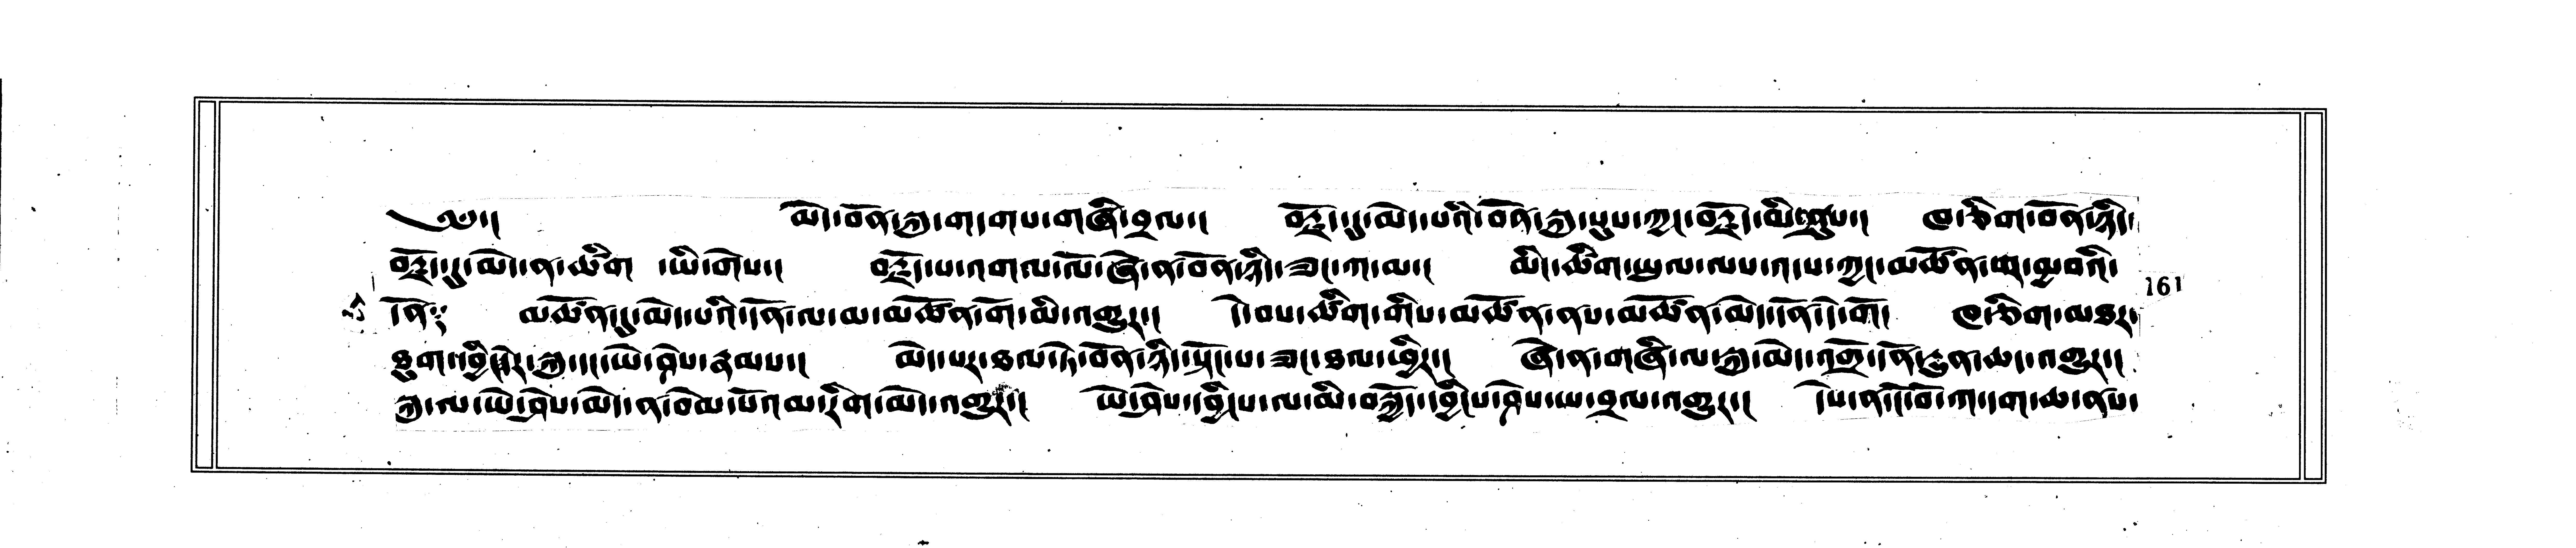མེད་བོན་སྐུ་གདགས་གཞི་བྲལ། །བརྗོད་དུ་མེད་པའི་བོན་སྐུ་སུས་ཀྱང་བརྗོད་མི་ནུས། །ཁ་ཅིག་བོན་ཉིད་
བརྗོད་དུ་མེད་ན་ཚིག་ཡི་གེས། །བརྗོད་པ་འགལ་ལོ་ཞེ་ན་བོན་ཉིད་ཟང་ཀ་མ། །མིང་ཚིག་ཡུལ་ལས་འདས་ཀྱང་མཚོན་པར་བྱ་བའི་
དོན། །མཚོན་དུ་མེད་པའི་དོན་ལ་མ་མཚོན་གོ་མི་འགྱུར། །དེ་བས་ཚིག་གིས་མཚོན་ནས་མཚོན་མེད་དོན་དེ་གོ །ཁ་ཅིག་མཐར་
ཐུག་དབྱིངས་དེར་སྐུ་དང་ཡེ་ཤེས་རྣམས། །མེད་པར་ཐལ་ཏེ་བོན་ཉིད་སྟོང་པ་ཟང་ཐལ་ཕྱིར། །ཞེ་ན་གཞི་ལ་སྐུ་མེད་འགྲོ་དོན་རྒྱུན་ཆད་འགྱུར། །
སྐུ་ལ་ཡེ་ཤེས་མེད་ན་བེམ་པོའམ་རེག་མེད་འགྱུར། །ཡེ་ཤེས་དབྱིངས་ལ་མི་བསྐྱོད་དབྱིངས་ཤེས་ཡ་བྲལ་འགྱུར། །དེས་ན་ངོ་བོ་ཀ་དག་ཆ་ནས་